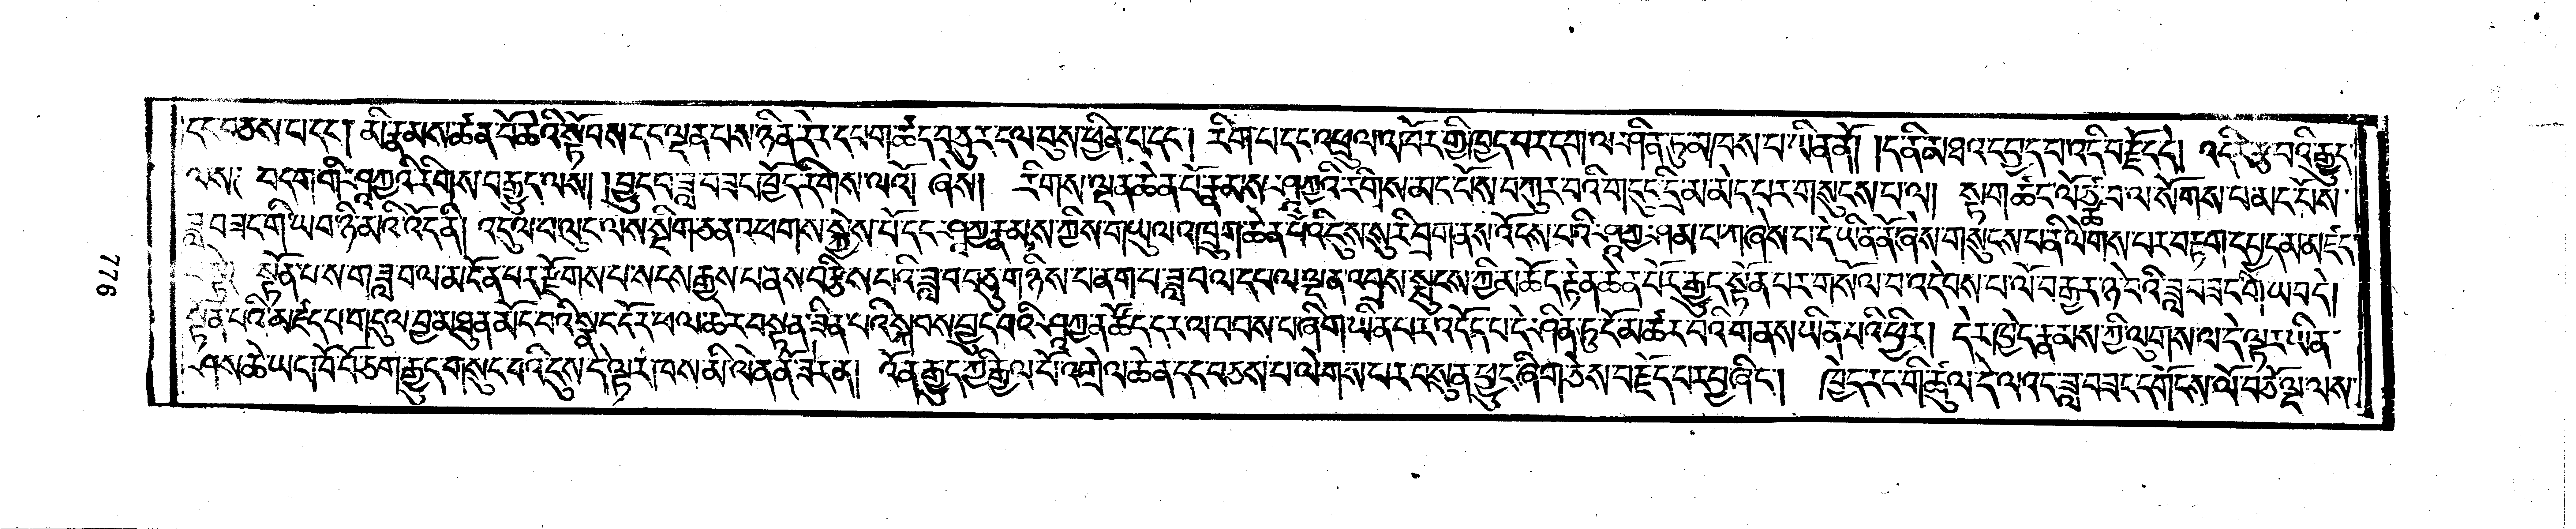དང་བཅས་པ་དང་། མི་རྣམས་ཚན་པོ་ཆེའི་སྟོབས་དང་ལྡན་པས་ཉིན་རེར་དཔག་ཚད་བཅུར་དལ་བུས་ཕྱིན་པ་དང་། རིག་པ་དང་འཕྲུལ་འཁོར་གྱི་ཁྱད་པར་དག་ལ་ཤིན་ཏུ་མཁས་པ་ཡིན་ནོ། །ད་ནི་མཐའ་དཔྱད་པ་འདི་བརྗོད་དེ། འདིར་རྩ་བའི་རྒྱུད་
ལས༑ བདག་གི་ཤཱཀྱའི་རིགས་བརྒྱུད་ལས། །བྱུང་བ་ཟླ་བཟང་ཁྱོད་རིགས་ལའོ། ཞེས། རིགས་ལྡན་ཆེན་པོ་རྣམས་ཤཱཀྱའི་རིགས་མང་པོས་བཀུར་བའི་གདུང་དྲི་མ་མེད་པར་གསུངས་པ་ལ། སྟག་ཚང་ལོ་ཙྪ་བ་ལ་སོགས་པ་མང་པོས་
ཟླ་བཟང་གི་ཡབ་ཉི་མའི་འོད་ནི། འདུལ་བ་ལུང་ལས་སྡིག་ཅན་འཕགས་སྐྱེས་པོ་དང་ཤཱཀྱ་རྣམས་ཀྱིས་གཡུལ་འཁྲུག་ཆེན་པོའི་དུས་སུ་རི་བྲག་ནས་འོངས་པའི་ཤཱཀྱ་ཤམ་པ་ཀ་ཞེས་པ་དེ་ཡིན་ནོ་ཞེས་གསུངས་པ་ནི་ལེགས་པར་བརྟག་དཔྱད་མ་མཛད་
པ་སྟེ། སྟོན་པ་ས་ག་ཟླ་བ་ལ་མངོན་པར་རྫོགས་པ་སངས་རྒྱས་པ་ནས་བརྩིས་པའི་ཟླ་བ་བཅུ་གཉིས་པ་ནག་པ་ཟླ་བ་ལ་དཔལ་ལྡན་འབྲས་སྤུངས་ཀྱི་མཆོད་རྟེན་ཆེན་པོར་རྒྱུད་སྟོན་པར་གསོལ་བ་འདེབས་པ་ལོ་བརྒྱར་ཉེ་བའི་ཟླ་བཟང་གི་ཡབ་དེ།
སྟོན་པའི་མཛད་པ་གདུལ་བྱ་མཐུན་མོང་བའི་སྣང་དོར་ཕལ་ཆེར་བསྟན་ཟིན་པའི་སྐབས་བྱུང་བའི་ཤཱཀྱ་ན་ཚོད་དར་ལ་བབས་པ་ཞིག་ཡིན་པར་འདོད་པ་དེ་ཤིན་ཏུ་ངོ་མཚར་བའི་གནས་ཡིན་པའི་ཕྱིར། དེར་ཁྱེད་རྣམས་ཀྱི་ལུགས་ལ་དེ་ལྟར་ཡིན་
ཤས་ཆེ་ཡང་ཁོ་བོ་ཅག་རྒྱུད་གསུང་བའི་དུས་དེ་ལྟར་ཁས་མི་ལེན་ནོ་ཟེར་ན། འོ་ན་རྒྱུད་ཀྱི་རྒྱལ་པོ་འགྲེལ་ཆེན་དང་བཅས་པ་ལེགས་པར་བསུན་ཕྱུང་ཞིག་ཅེས་བརྗོད་པར་བྱ་ཞིང་། ཁྱེད་རང་གི་ཚུལ་དེ་ལའང་ཟླ་བཟང་དགོངས་ལོ་བཅོ་ལྔ་ལས་